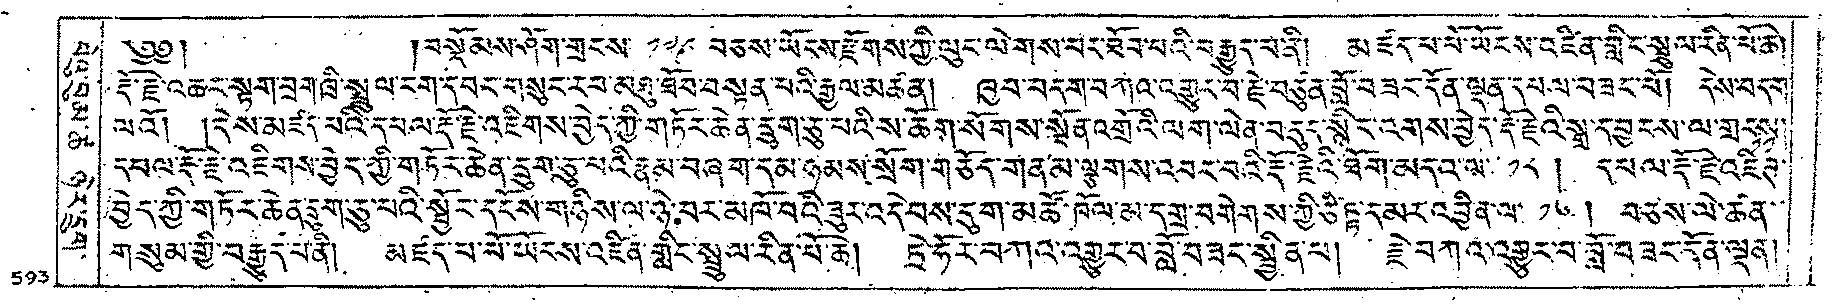༄༅། །བསྡོམས་ཤོག་གྲངས ༡༧༩་བཅས་ཡོངས་རྫོགས་ཀྱི་ལུང་ལེགས་པར་ཐོབ་པའི་བརྒྱུད་པ་ནི། མཛད་པ་པོ་ཡོངས་འཛིན་གླིང་སྤྲུལ་རིན་པོ་ཆེ།
རྡོ་རྗེ་འཆང་སྟག་བྲག་ཁྲི་སྤྲུལ་ངག་དབང་གསུང་རབ་མཐུ་ཐོབ་བསྟན་པའི་རྒྱལ་མཚན། ཁྱབ་བདག་བཀའ་འགྱུར་བ་རྗེ་བཙུན་བློ་བཟང་དོན་ལྡན་དཔལ་བཟང་པོ། དེས་བདག་
ལའོ། །དེས་མཛད་པའི་དཔལ་རྡོ་རྗེ་འཇིགས་བྱེད་ཀྱི་གཏོར་ཆེན་དྲུག་ཅུ་པའི་ས་ཆོག་སོགས་སྔོན་འགྲོའི་ལག་ལེན་བདུད་སྙིང་འགས་བྱེད་རྡོ་རྗེའི་སྒྲ་དབྱངས་ལ་གྲངས ༡༡།
དཔལ་རྡོ་རྗེ་འཇིགས་བྱེད་ཀྱི་གཏོར་ཆེན་དྲུག་ཅུ་པའི་རྣམ་བཞག་དམ་ཉམས་སྲོག་གཅོད་གནམ་ལྕགས་འབར་བའི་རྡོ་རྗེའི་ཐོག་མདའ་ལ ༡༨། དཔལ་རྡོ་རྗེ་འཇིགས་
བྱེད་ཀྱི་གཏོར་ཆེན་དྲུག་ཅུ་པའི་སྦྱོར་དངོས་གཉིས་ལ་ཉེ་བར་མཁོ་བའི་ཟུར་འདེབས་དུག་མཚོ་ཁོལ་མ་དགྲ་བགེགས་ཀྱི་ཙིཏྟ་དམར་འབྱིན་ལ ༡༦། བཅས་ལེ་ཚན་
གསུམ་གྱི་བརྒྱུད་པ་ནི། མཛད་པ་པོ་ཡོངས་འཛིན་གླིང་སྤྲུལ་རིན་པོ་ཆེ། ཏྲེ་ཧོར་བཀའ་འགྱུར་བ་བློ་བཟང་སྦྱིན་པ། རྗེ་བཀའ་འགྱུར་བ་བློ་བཟང་དོན་ལྡན།